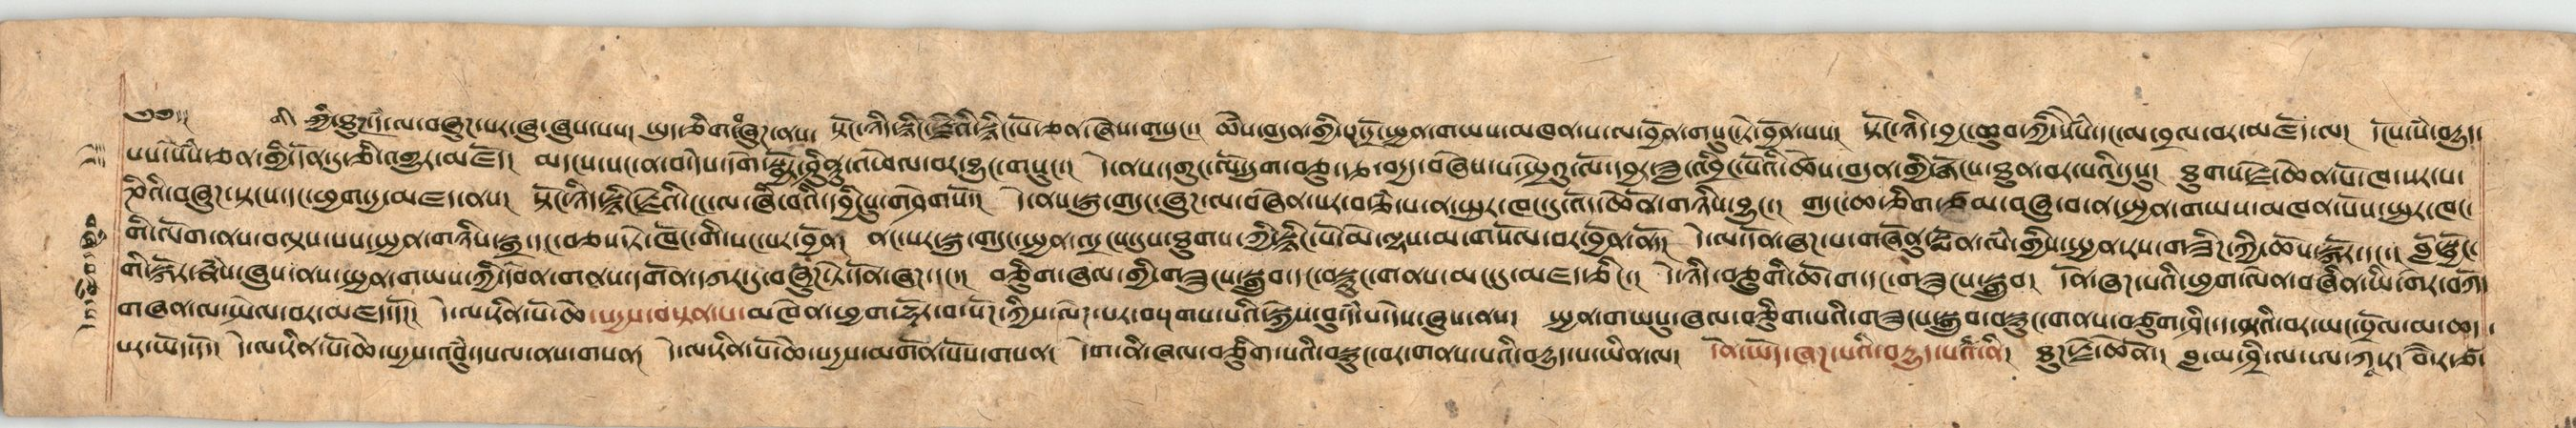གི་ཀྱི་ཐུཌ་དཾ་ལ་བཞུཌ་པར་ཞུ་ཞུས་པས། ཡུག་ཅིག་བཞུཌ་ནས། སྟོང་ཉིད་སྙིང་རྗེའི་སྙིང་པོ་ཅན་ཞེས་གསུང་། ཚེས་བདུན་གྱི་སྔ་དྲོ་སྤྱན་གཡས་མཁན་པ་ལ་བྱོན་གསུང་ཏེ་བྱོན་པས། སྟོང་ཉིད་བྱང་ཆུབ་ཀྱི་སེཾས་དང་མ་བྲལ་བར་མཛོད་ལ། དངོས་སཾ་བདྱུད་
པས་སེཾས་ཅན་གྱི་དོན་དུ་ཅི་འགྱུར་མཛོད། མདངས་སང་ན་བ་དེས་དགེ་སྦྱོར་ཤིནྟུ་འཕེལ་བར་བྱུང་གསུང་། དེ་ནས་དགུང་ལོ་དྲུག་བཅུ་རྩ་བདྱད་བཞེས་པ་སྤྲེའུ་ལོ་དབྱར་ཟླ་འབྲིང་པའི་ཚེས་བདུན་གྱི་རྒོངས་ཐུན་བར་པའི་དུསུ། ཐུགས་རྗེ་ཆེན་པོ་ཁ་སར་ས་
ཎིའི་བཞུཌ་སྟངས་དང་ཕྱག་དྱ་མཛད་ནས། སྟོང་ཉིད་སྙིང་རྗེའི་ངང་ལ་ཞི་བའི་དབྱིངསུ་གཤེགསོ་། དེ་ནས་སྐུ་གདུང་ཞུཌ་ལ་བཞེན་པར་བརྩཾ་པ་ན་སྤུར་ཁང་དུ་འོད་ཆེནོ་གཉིས་བྱུང་། གདུང་ཆ་ཅིག་ཙམ་བཞུ་བ་ན་སྤྱན་གཡས་མཁན་པོས་སྤུར་ཁང་
གི་ལོག་ནས་བལྟས་པས་སྤྱན་གཉིས་སྒྲ་དང་བཅས་ཏེ་ཁོང་གི་སང་པར་བྱོན། ནང་སར་སྐུ་གདུང་སྤྱན་འདྲངས་དུས་ཐུགས་ཀྱི་སྙིང་པོ་མེ་ལྷས་མ་གསོལ་བར་བྱོན་ནོ་། དེ་ལ་དོན་ཞཌ་པ་གཞོནུ་སྨོན་ལཾ་གྱིས་སྤྱན་རས་གཟིཌ་ཀྱི་ཆོས་སྐོར་དང་། བློ་སྦྱོང་
གི་སྐོར་རྣཾས་ཞུས་ནས་སྤྱན་གཡས་ཀྱི་དབེན་གནས་དགོན་དཀར་དུ་བཞུཌ་ཏེ་དོན་ཞཌ་དང་། བཅིུག་ཞལ་གྱི་གཟུངས་སྒྲུབ་དང་བསྙུང་གནས་མང་དུ་མཛད་ཅིང་། དེ་ཉིད་བཅྲུགི་ཆོ་ག་དང་གཟུངས་སྒྲུབ། དོན་ཞཌ་པའི་ཕྱག་ལེན་བཞིན་ཡི་གེར་བཀོད
གཞན་ལ་སྤེལ་བར་མཛད་དོ། དེ་ལ་རིན་པོ་ཆེ་སདྱས་བསྟན་པ་མཁེན་ཕྱག་དྷོར་བ་སོཌ་ཀྱིས་ལེཌ་པར་བསྔགས་པའི་སྐྱེས་བུ་དཾ་པ་དེས་ཞུས་ནས། སྤྱན་གཡསུ་ཞལ་བཅིུག་པའི་གཟུངས་སྒྲུབ་བསྙུང་གནས་བཙུག་ཤིང་ད་ལྟའི་བར་ཡང་བྲོལ་མ་ཆད་
པར་ཡོད་དོ། དེ་ལ་རིན་པོ་ཆེ་སདྱས་འབུཾ་དཔལ་ནས་གསན། དེ་ལ་རིན་པོ་ཆེ་སདྱས་མགོན་པོས་གསན། དེག་ནི་ཞལ་བཅིུག་པའི་བསྙུང་བར་གནས་པའི་བདྱུད་པ་ཡིན་ལ། དོན་ཡོད་ཞཌ་པའི་བདྱུད་པའ་ནི། ཐུཌ་རྗེ་ཆེནོ་། བླ་མ་ཤྲི་ལ་ཨ་ཀཱ་ར། བཻ་རོ་ཙ་